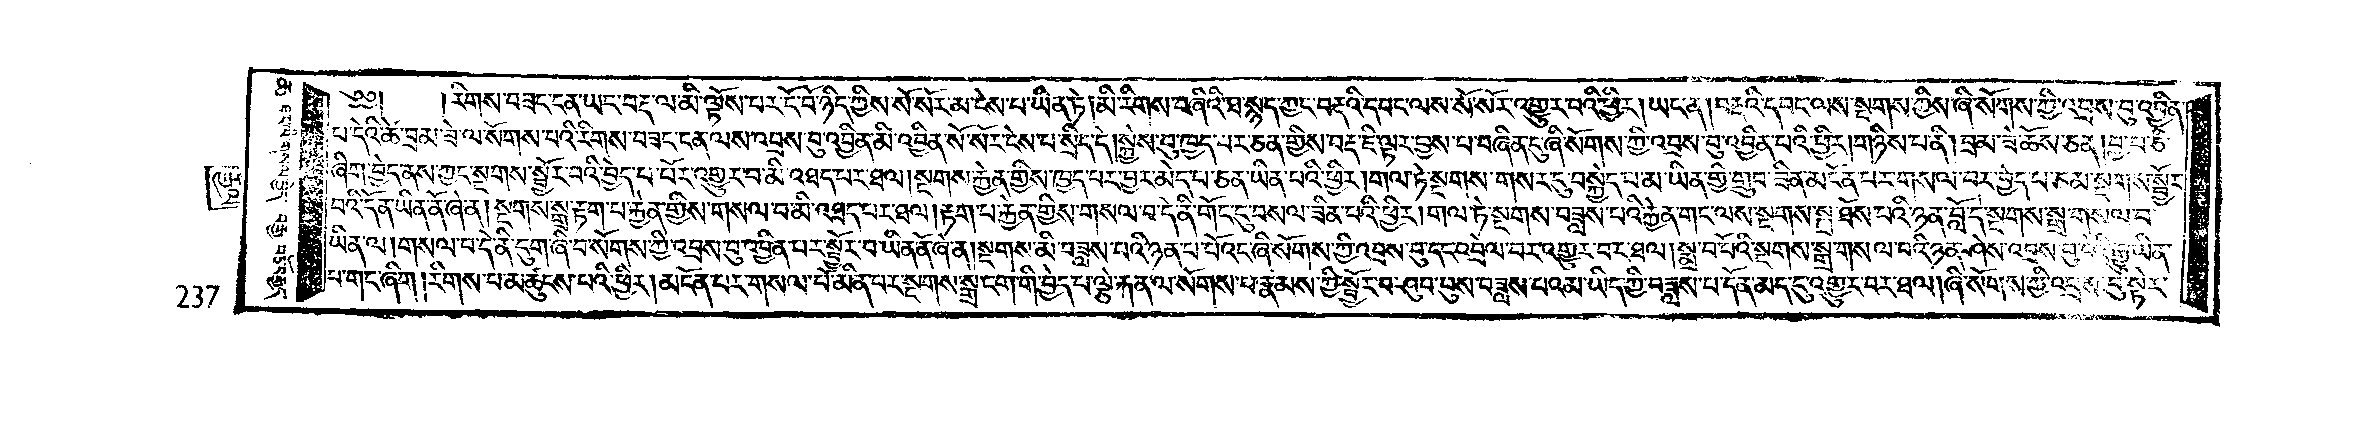༄༅། །རིགས་བཟང་ངན་ཡང་བརྡ་ལ་མི་ལྟོས་པར་ངོ་བོ་ཉིད་ཀྱིས་སོ་སོར་མ་ངེས་པ་ཡིན་ཏེ། མི་རིགས་བཞིའི་ཐ་སྙད་ཀྱང་བརྡའི་དབང་ལས་སོ་སོར་འགྱུར་བའི་ཕྱིར། ཡང་ན། བརྡའི་དབང་ལས་སྔགས་ཀྱིས་ཞི་སོགས་ཀྱི་འབྲས་བུ་འབྱིན་
པ་དེའི་ཚེ་བྲམ་ཟེ་ལ་སོགས་པའི་རིགས་བཟང་ངན་ལས་འབྲས་བུ་འབྱིན་མི་འབྱིན་སོ་སོར་ངེས་པ་སྲིད་དེ། སྐྱེས་བུ་ཁྱད་པར་ཅན་གྱིས་བརྡ་ཇི་ལྟར་བྱས་པ་བཞིན་དུ་ཞི་སོགས་ཀྱི་འབྲས་བུ་འབྱིན་པའི་ཕྱིར། གཉིས་པ་ནི། བྲམ་ཟེ་ཆོས་ཅན། བྱ་བ་ཅི་
ཞིག་བྱེད་ནས་ཀྱང་སྔགས་སྦྱོར་བའི་བྱེད་པ་པོར་འགྱུར་བ་མི་འཐད་པར་ཐལ། སྔགས་རྐྱེན་གྱིས་ཁྱད་པར་བྱར་མེད་པ་ཅན་ཡིན་པའི་ཕྱིར། གལ་ཏེ་སྔགས་གསར་དུ་བསྐྱེད་པ་མ་ཡིན་གྱི་གྲུབ་ཟིན་མངོན་པར་གསལ་བར་བྱེད་པ་ཙམ་སྔགས་སྦྱོར་
བའི་དོན་ཡིན་ནོ་ཞེ་ན། སྔགས་སྒྲ་རྟག་པ་རྐྱེན་གྱིས་གསལ་བ་མི་འཐད་པར་ཐལ། རྟག་པ་རྐྱེན་གྱིས་གསལ་བ་དེ་ནི་གོང་དུ་བསལ་ཟིན་པའི་ཕྱིར། གལ་ཏེ་སྔགས་བཟླས་པའི་རྐྱེན་གང་ལས་སྔགས་སྒྲ་ཐོས་པའི་ཉན་བློ་དེ་སྔགས་སྒྲ་གསལ་བ་
ཡིན་ལ། གསལ་བ་དེ་ནི་དུག་ཞི་བ་སོགས་ཀྱི་འབྲས་བུ་འབྱིན་པར་སྦྱོར་བ་ཡིན་ནོ་ཞེ་ན། སྔགས་མི་བཟླས་པའི་ཉན་པ་པོའང་ཞི་སོགས་ཀྱི་འབྲས་བུ་དང་འབྲེལ་བར་འགྱུར་བར་ཐལ། སྨྲ་བ་པོའི་སྔགས་སྒྲ་གསལ་བའི་ཉན་ཤེས་འབྲས་བུ་དེའི་རྒྱུ་ཡིན་
པ་གང་ཞིག །རིགས་པ་མཚུངས་པའི་ཕྱིར། མངོན་པར་གསལ་པོ་མིན་པར་སྔགས་སྒྲ་ངག་གི་བྱེད་པ་ལྕེ་རྐན་ལ་སོགས་པ་རྣམས་ཀྱི་སྦྱོར་བ་ཤུབ་པུས་བཟླས་པའམ་ཡིད་ཀྱི་བཟླས་པ་དོན་མེད་དུ་འགྱུར་བར་ཐལ། ཞི་སོགས་ཀྱི་འབྲས་བུ་སྟེར་